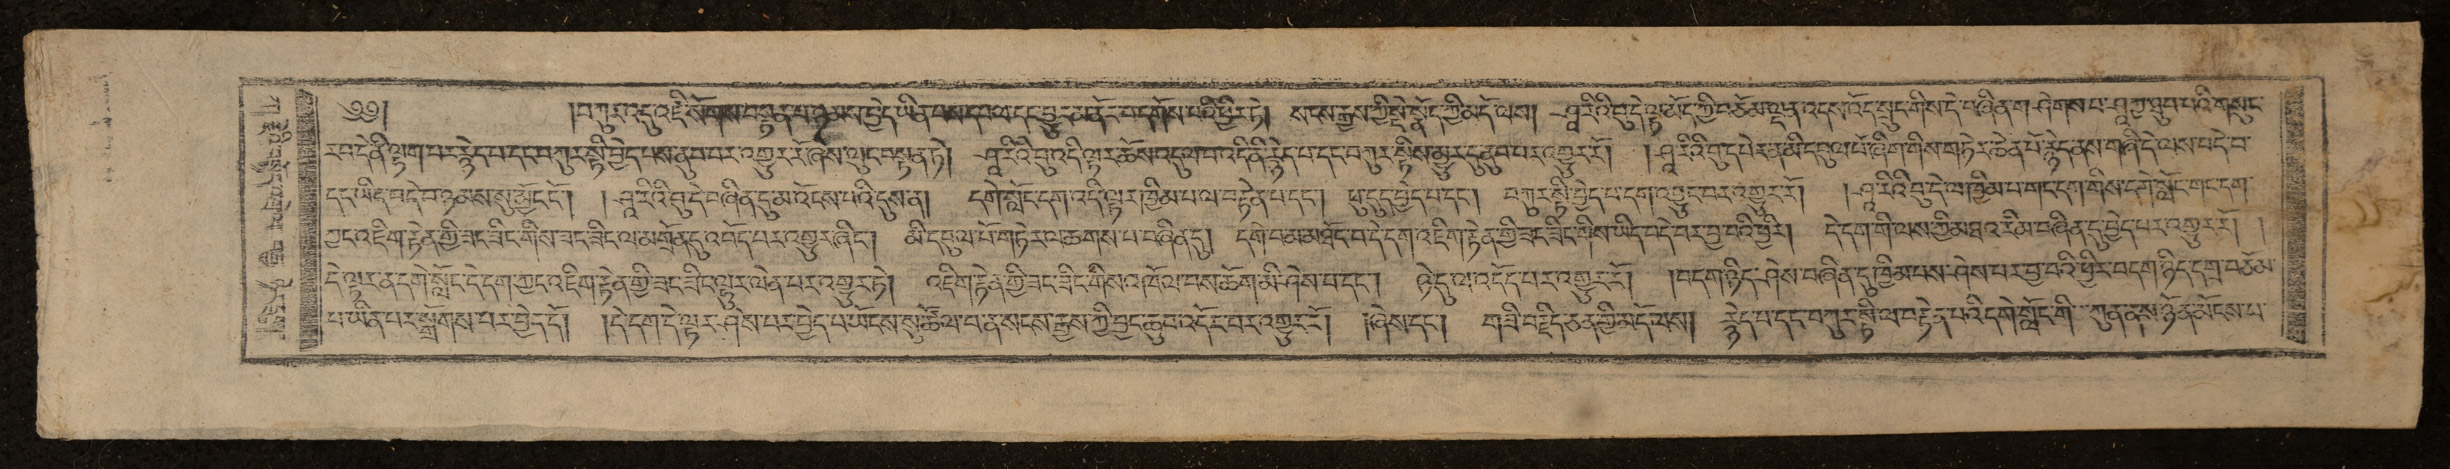༄༅། །བཀུར་འདུ་འཇི་སོགས་བསྟྣ་པ་ཉམས་བྱེད་ཡིན་པར་དཔལ་དང་བྱུང་མ་ནོར་བ་དགོས་པའི་ཕྱིར་ཏེ། །སངས་རྒྱས་ཀྱི་སྡེ་སྣོད་ཀྱི་མདོ་ལས། ཤཱ་རིའི་བུ་དེ་ལྟ་མོད་ཀྱི་བཅོམ་ལྡན་འདས་འོད་སྲུང་གིས་དེ་བཞིན་གཤེགས་པ་ཤཱཀྱ་ཐུབ་པའི་གསུང་
རབ་དེ་ནི་ལྟག་པར་རྙེད་པ་དང་བཀུར་སྟི་བྱེད་པས་ནུབ་པར་འགྱུར་རོ་ཞེས་ལུང་བསྟན་ཏེ། ཤཱ་རིའི་བུ་འདི་ལྟར་ཆོས་འདུལ་བ་འདི་ནི་རྙེད་པ་དང་བཀུར་སྟིས་མྱུར་དུ་ནུབ་པར་འགྱུར་རོ། །ཤཱ་རིའི་བུ་དཔེན་ན་མི་དབུལ་པོ་ཞིག་གིས་གཏེར་ཆེན་པོ་རྙེད་ནས་གཞི་དེ་ལས་བདེ་བ་
དང་ཡིད་བདེ་བ་ཉམས་སུ་མྱོང་ངོ། །ཤཱ་རིའི་བུ་དེ་བཞིན་དུ་མ་འོངས་བའི་དུས་ན། དགེ་སློང་དག་འདི་ལྟར་ཁྱིམ་པ་ལ་བརྟེན་པ་དང་། ཕུ་དུད་བྱེད་པ་དང་། བཀུར་སྟི་བྱེད་པ་དག་འབྱུང་བར་འགྱུར་རོ། །ཤཱ་རིའི་བུ་དེ་ལ་ཁྱིམ་བ་གང་དག་གིས་དགེ་སློང་གང་དག་
ཀྱང་འཇིག་རྟེན་གྱི་ཟང་ཟིང་གིས་ཟང་ཟིང་ལ་མགྲོན་དུ་འབོད་པར་འགྱུར་ཞིང་། མི་དབུལ་བོ་གཏེར་ལ་ཆགས་པ་བཞིན་དུ། དགེ་བ་མ་མཐོང་བདེ་དག་འཇིག་རྟེན་གྱི་ཟང་ཟིང་གིས་ཡིད་བདེ་བར་བྱ་བའི་ཕྱིར། དེ་དག་གི་ལས་ཀྱི་མཐའ་རིམ་བཞིན་དུ་བྱེད་པར་འགྱུར་རོ། །
དེ་ལྟར་ན་དགེ་སློང་ད་དག་ཀྱང་འཇིག་རྟེན་གྱི་ཟང་ཟིང་ལྷུར་ལེན་པར་འགྱུར་ཏེ། འཇིག་རྟེན་གྱི་ཟང་ཟིང་གིས་འཁོལ་པས་ཆོག་མི་ཤེས་པ་དང་། ཉེ་དུ་ལ་འདོད་པར་འགྱུར་རོ། །བདག་ཉིད་ཤེས་བཞིན་དུ་ཁྱིམ་པས་ཤེས་བར་བྱ་བའི་ཕྱིར་བདག་ཉིད་དགྲ་བཅོམ་
པ་ཡིན་པར་སྒྲོགས་པར་བྱེད་དོ། །དེ་དག་དེ་ལྟར་ཤེས་པར་བྱེད་པ་ཡོངས་སུ་ཚོལ་བ་ན་སངས་རྒྱས་ཀྱི་བྱང་ཆུབ་འདོར་བར་འགྱུར་རོ། །ཞེས་དང་། གཟི་བརྗིད་ཅན་གྱི་མདོ་ལས། རྙེད་པ་དང་བཀུར་སྟི་ལ་བརྟེན་པའི་དགེ་སློང་གི་ཀུན་ནས་ཉོན་མོངས་པ་